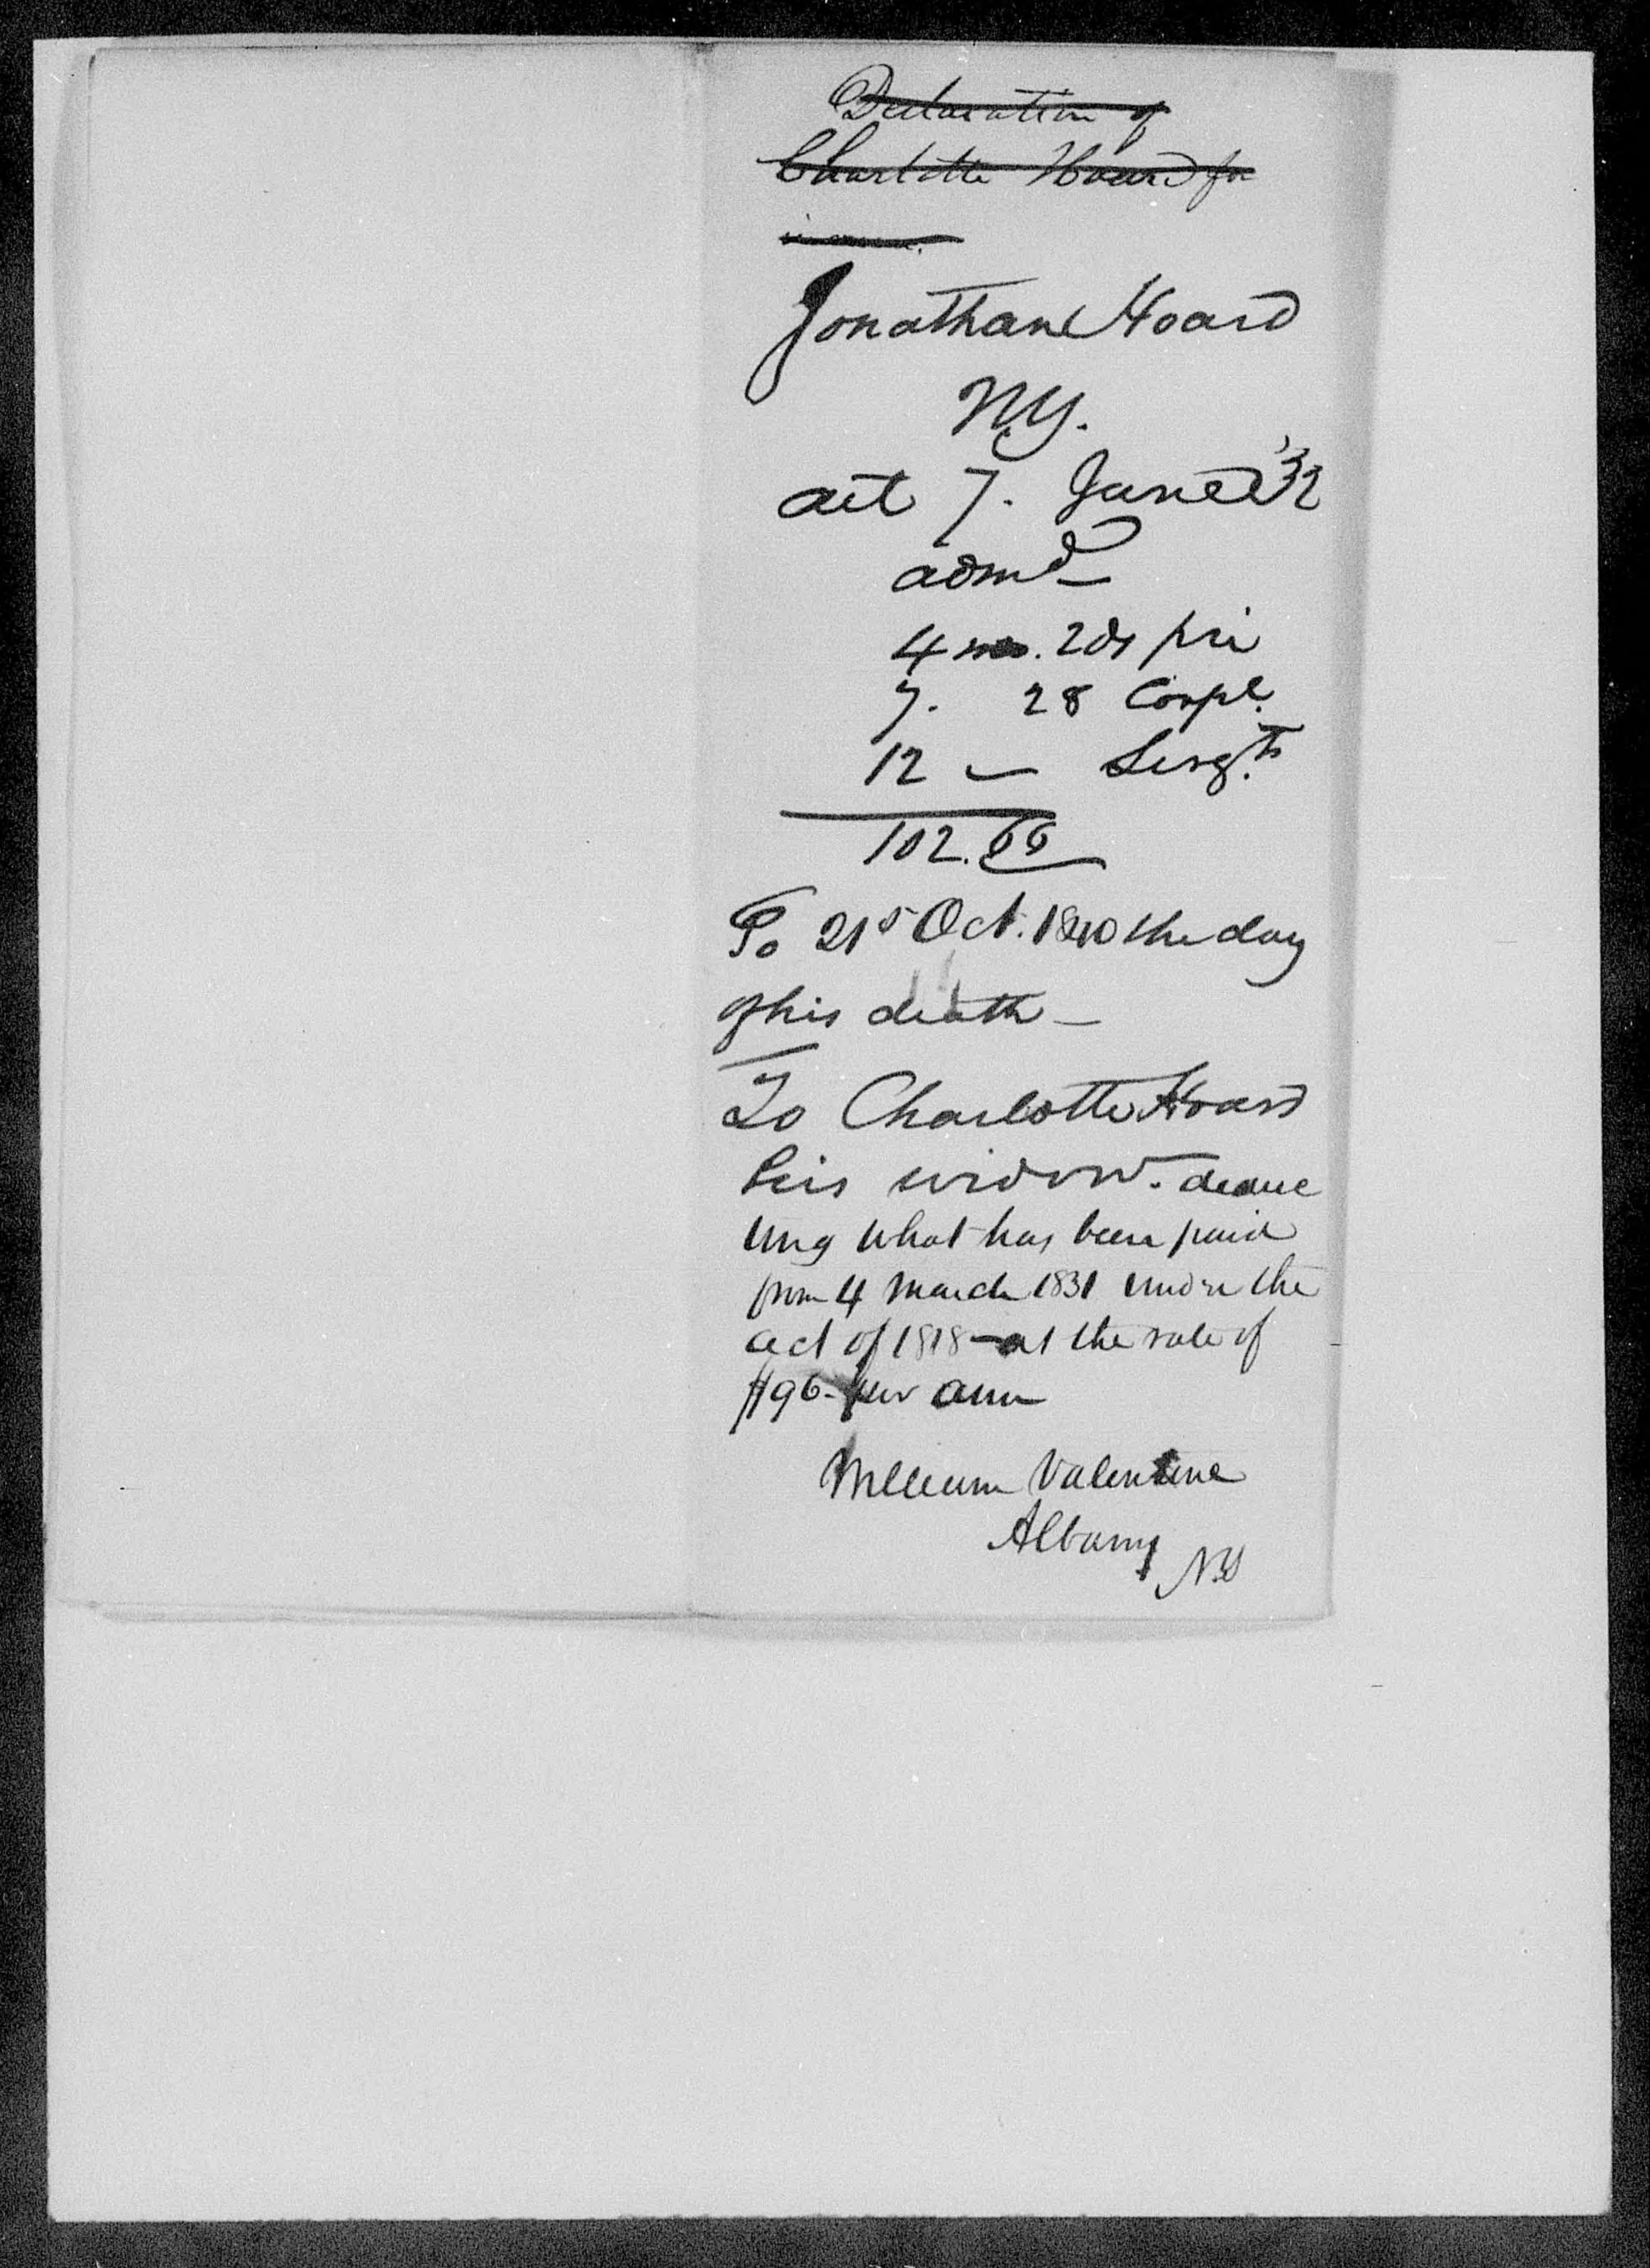["Declaration of Charlotte Hoard" is crossed out]
Jonathan Hoard
NY
act 7. June '32
aom'd

4. mos. 2d pri
7 mos 28d  Corp
12 mos Sergt
102.69

To 21 Oct. 1840 the day of his death-
To Charlotte Hoard his widow [illegible] what has been paid from 4 March 1831 under the act of 1818 - at the rate of $96 per ann [annum]
William Valentine
Albany NY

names: Charlotte Hoard, Jonathan Hoard, Charlotte Hoard, William Valentine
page: 40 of 52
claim: widow's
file: W 19755, Jonathan Hoard, Mass.